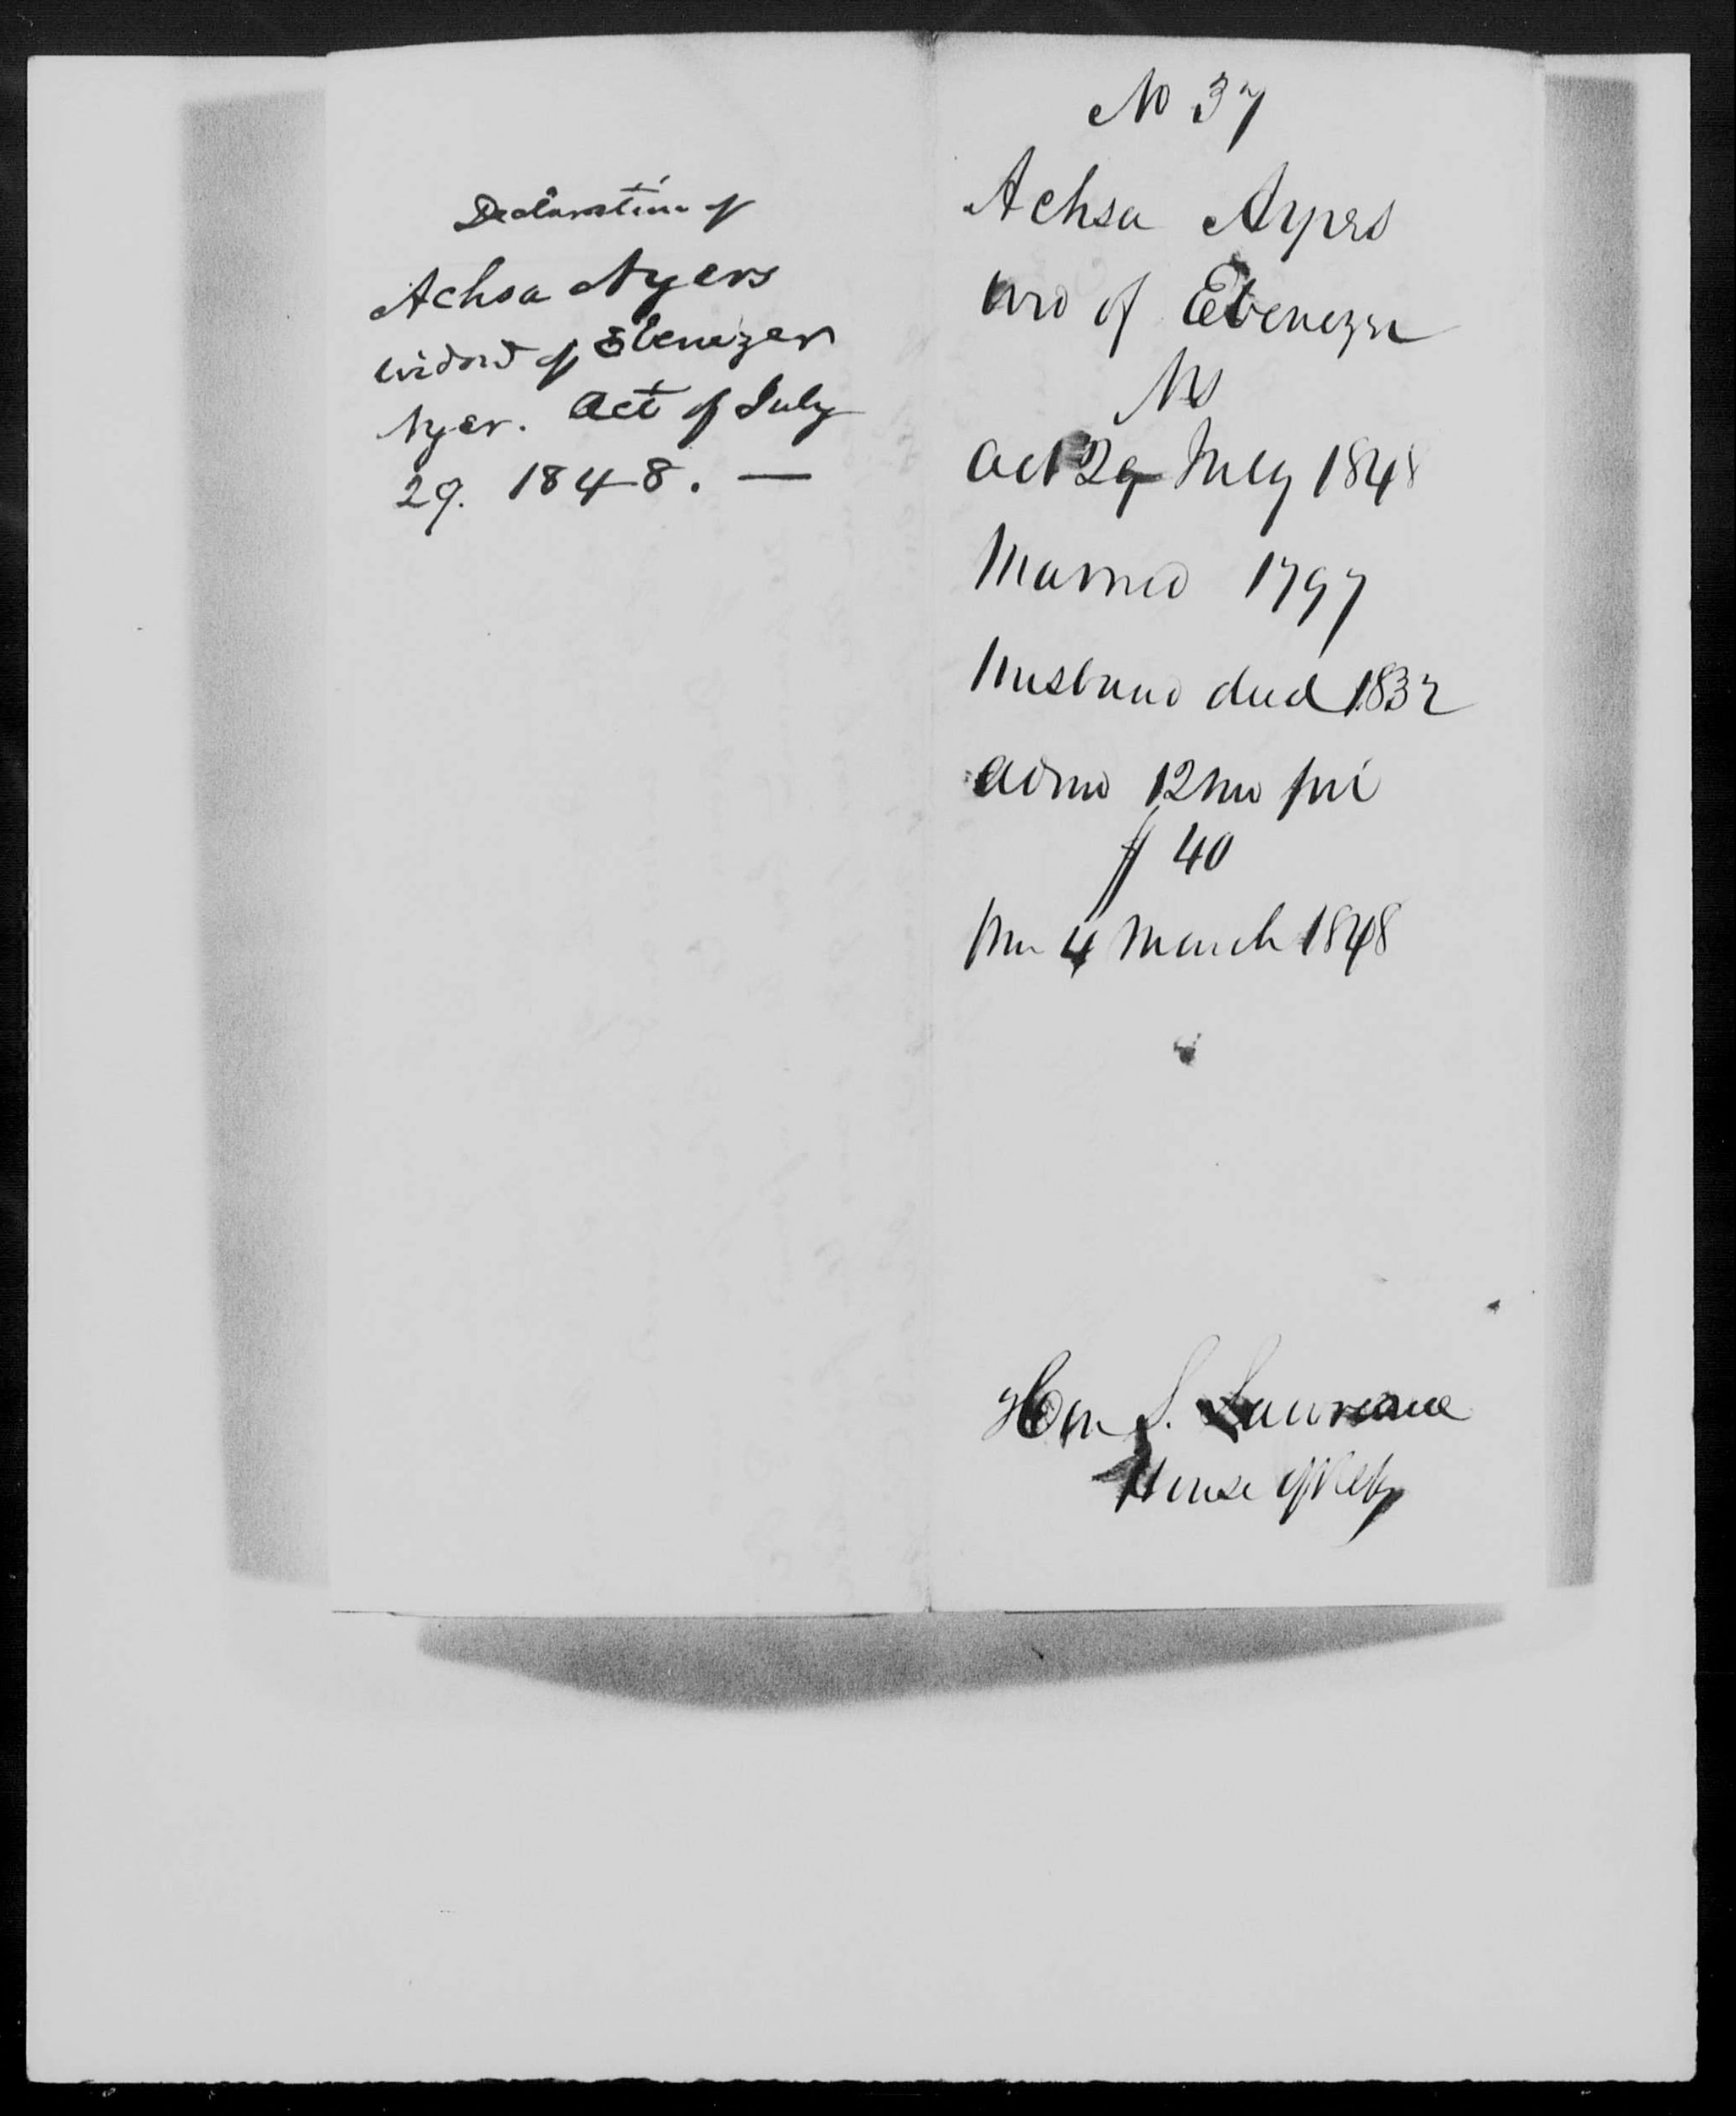Declararion of Achsa Ayres widow of 
Ebenezer Ayer. Act of July 29, 1848.No. 37
Achsa Ayres
wid of Ebenezer

act 29 July 11848
married 1797
husband died 1832
admd 12 mo pri
$40
from 4 March 1848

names: Ebenezer Ayres, Achsa Ayres, S Lawreane, Ebenezer Ayer, Achsa Ayers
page: 13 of 50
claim: widow's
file: W. 8559, Ebenezer Ayer, Continental (Conn)